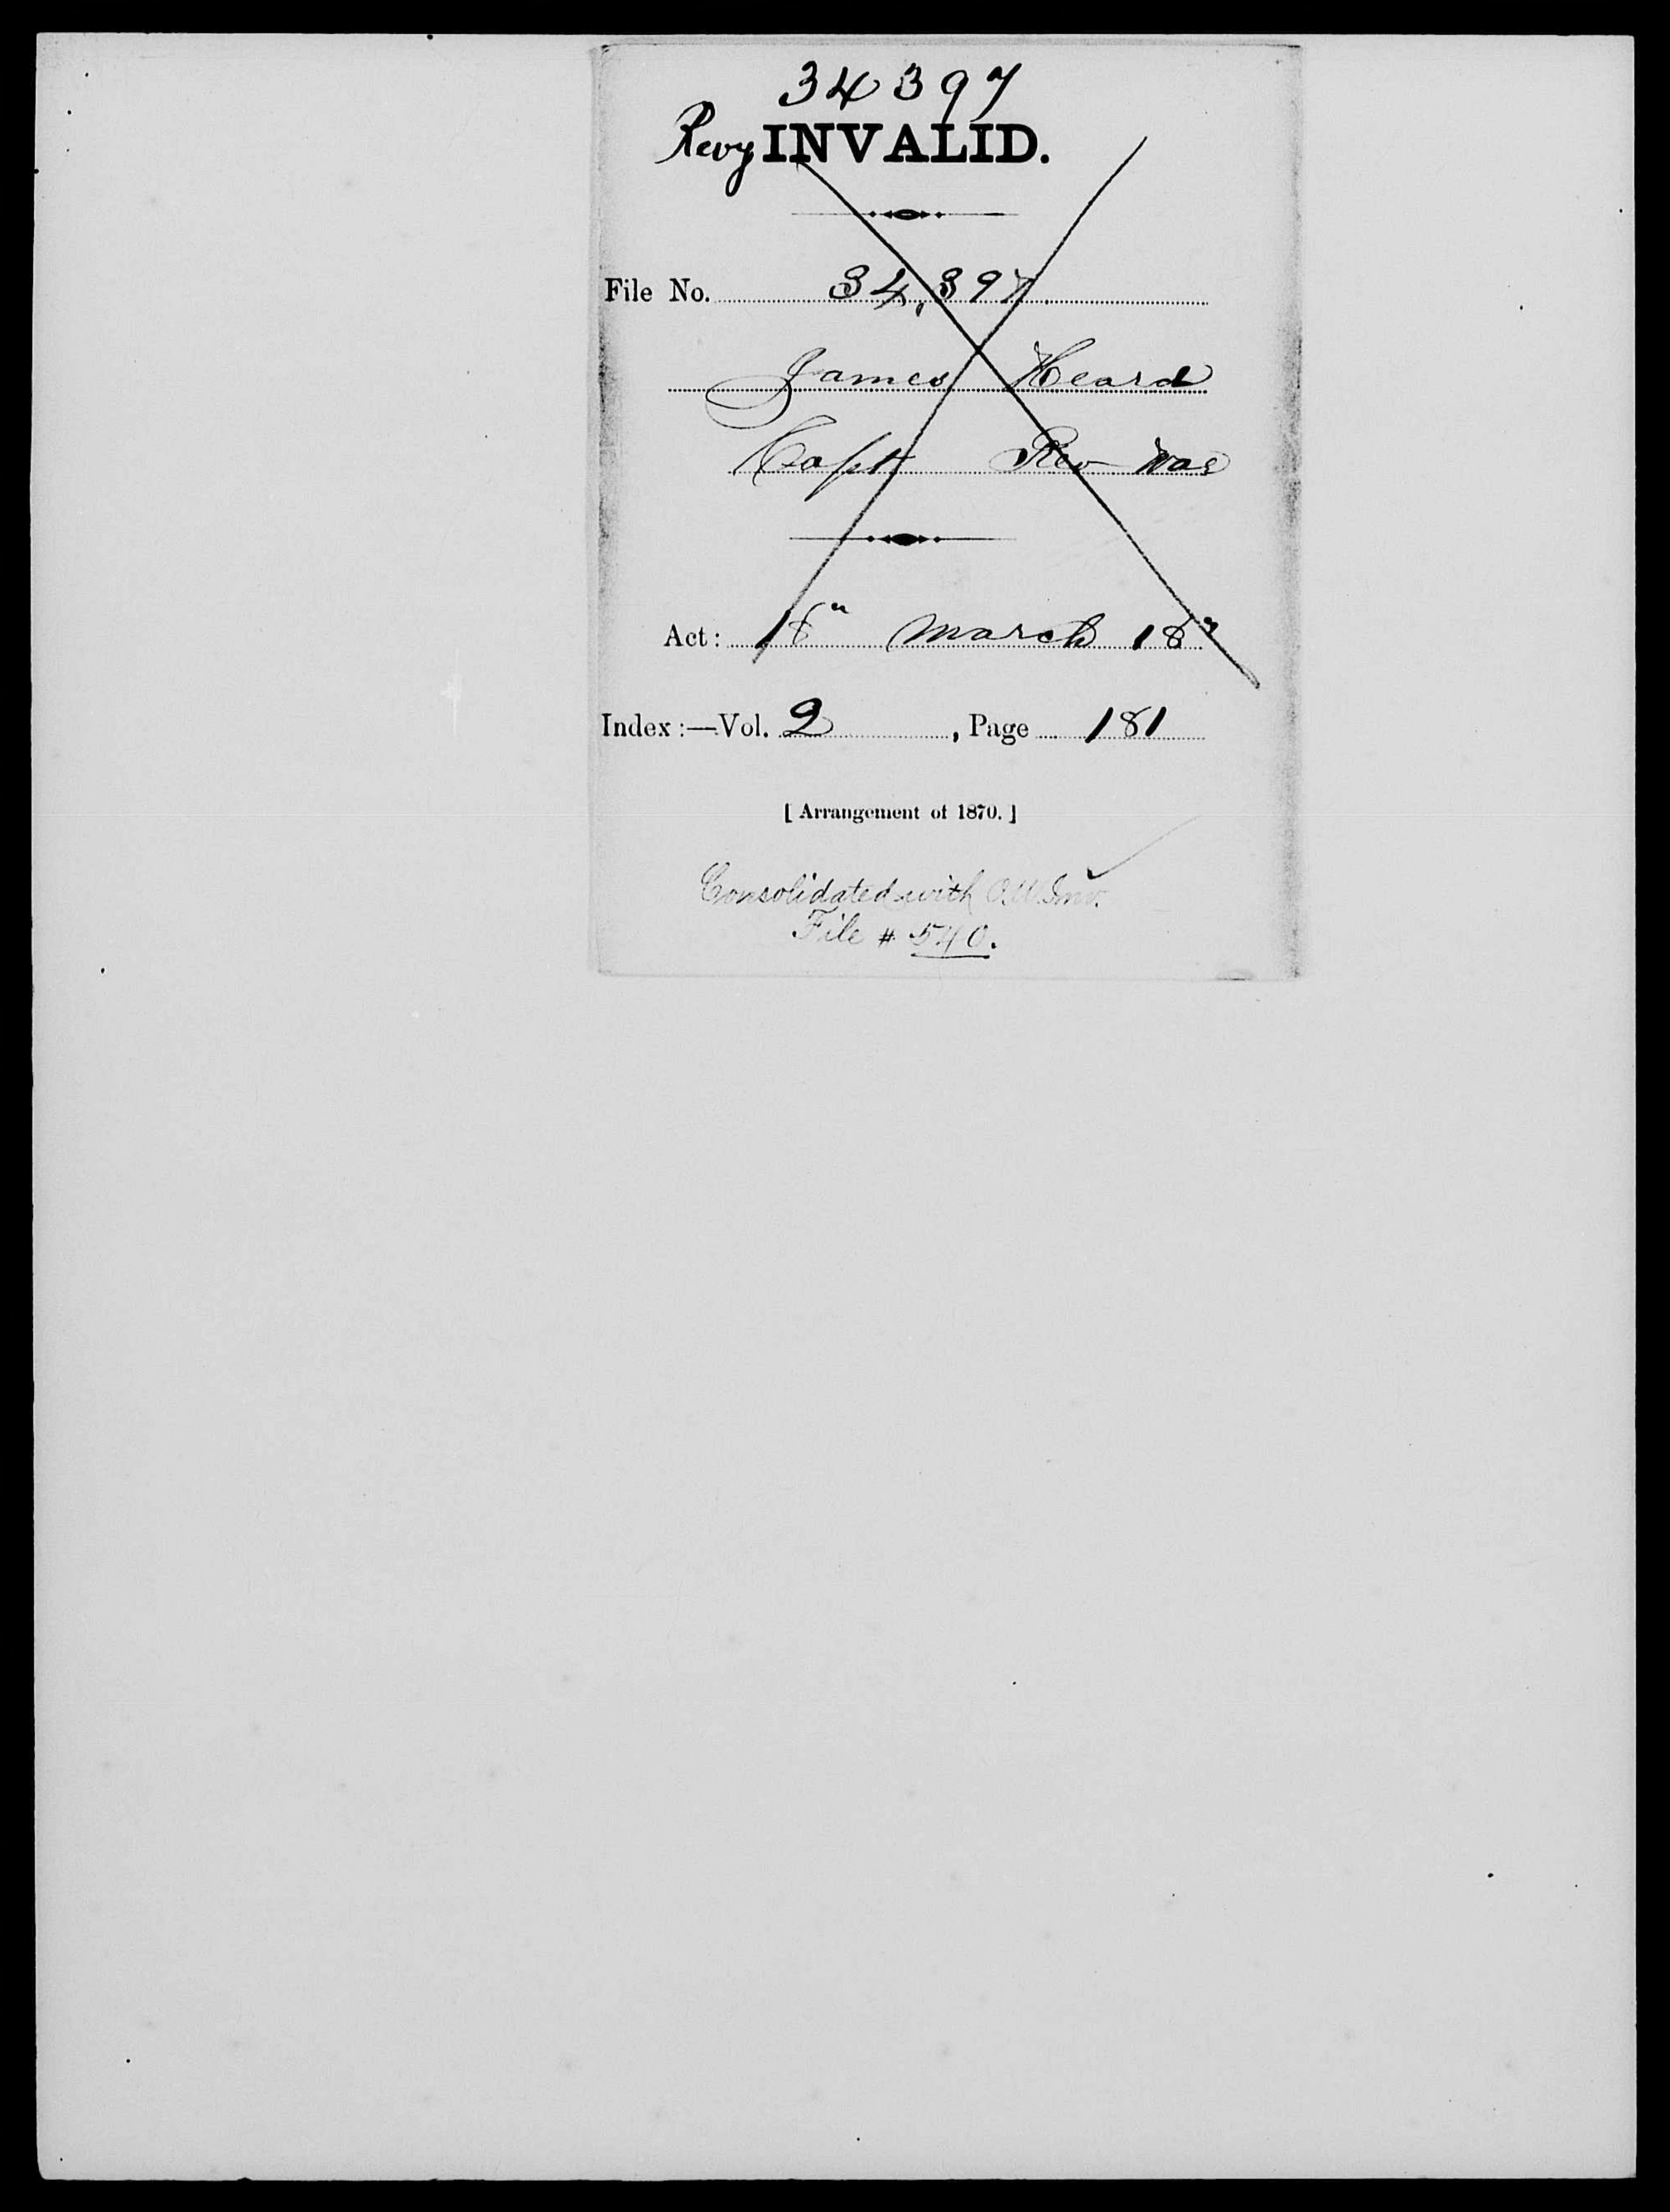34394
Revolutionary Invalid
File No. 34397
James Heard 
Captain, Revolutionary War 
Act: 18th March 1818
Index: Vol. 2, Page 181
[Arrangement of 1870.]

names: O W Imo, James Heard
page: 9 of 62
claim: survivor's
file: S. 540, James Heard, Continental - New Jersey Residence In 1818